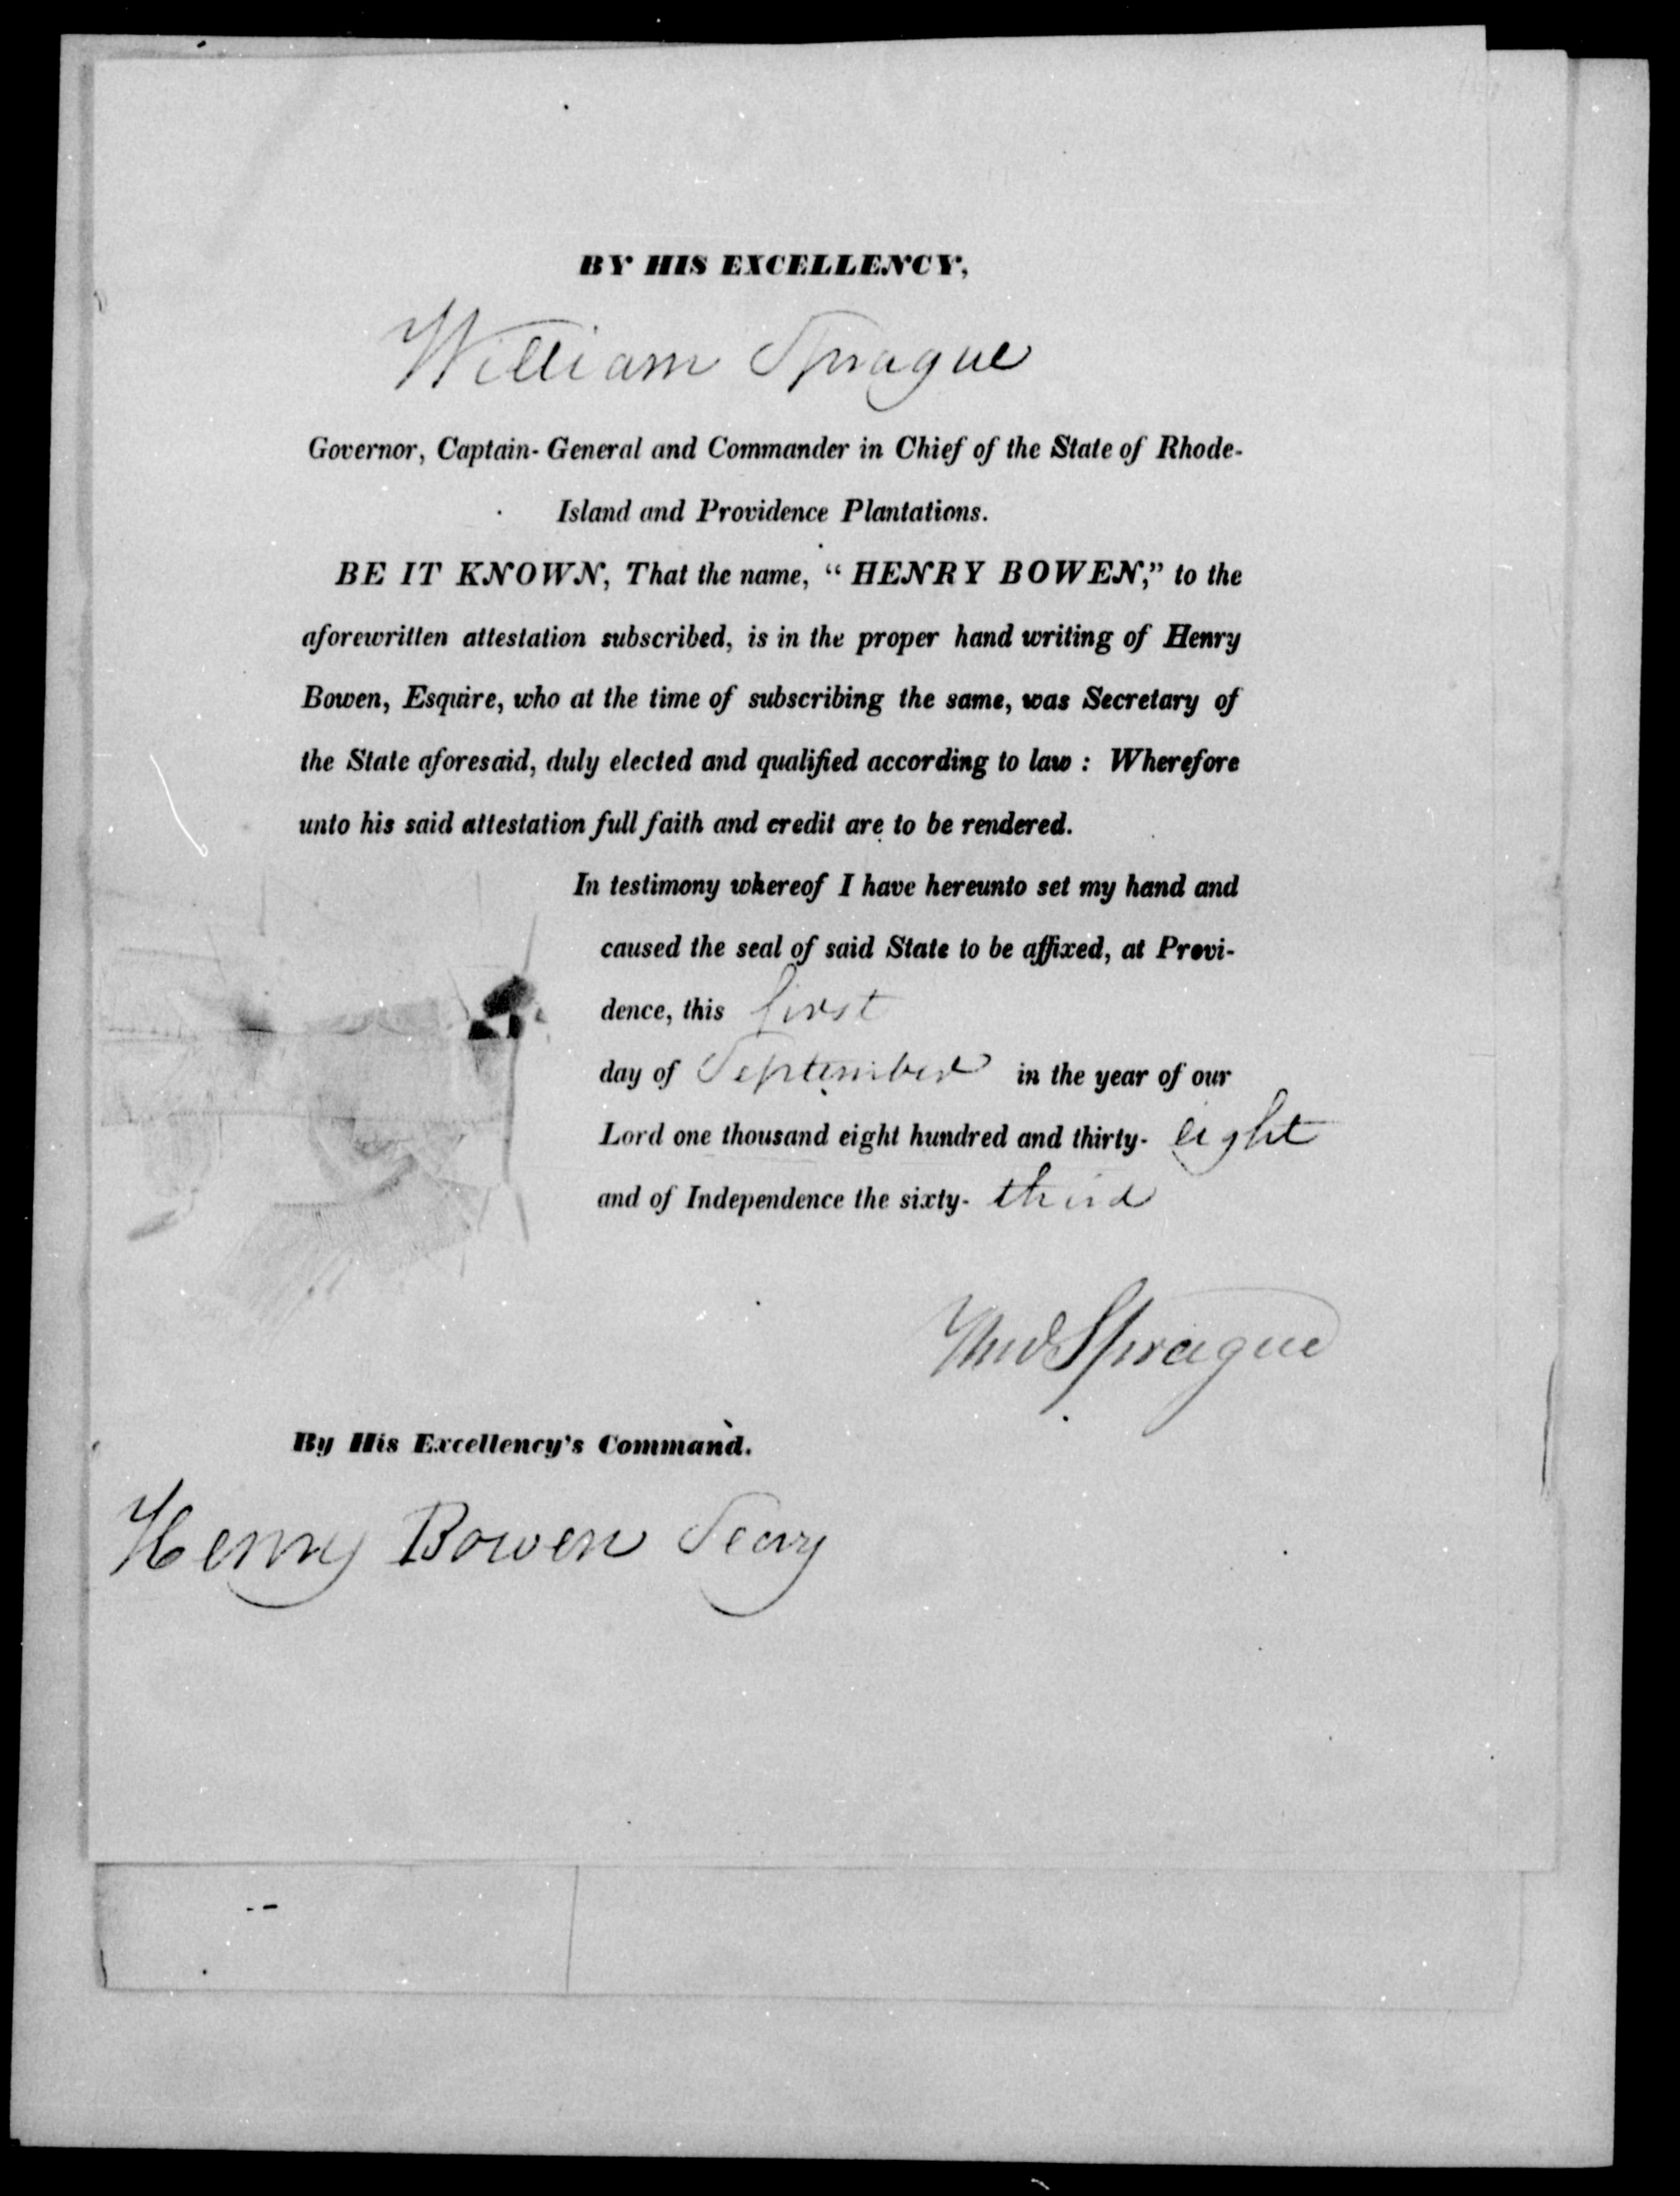BY HIS EXCELLENCY
William Sprague
Governor, Captain-General and Commander in Chief of the State of Rhode-
Island and Providence Plantations.
BE IT KNOWN, That the name, ""HENRY BOWEN."" to the aforewritten attestation subscribed, is in the proper hand writing of Henry Bowen, Esquire, who at the time of subscribing the same, was Secretary of
the State aforesaid, duly elected and qualified according to law. Wherefore unto his said attestation full faith and credit are to be rendered.
In testimony whereof I have hereunto set my hand and caused the seal of said State to be affixed, at Providence, this first
day of September in the year of our
Lord one thousand eight hundred and thirty eight and of Independence the sixty-third
Wm Sprague
By His Excellency's Command.
Henry Bowen Secry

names: William Sprague; Henry Bowen; Wm Sprague; Henry Bowen; Henry Bowen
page: 12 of 50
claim: widow's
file: W. 22058, for Benjamin Rhodes, Rhode Island